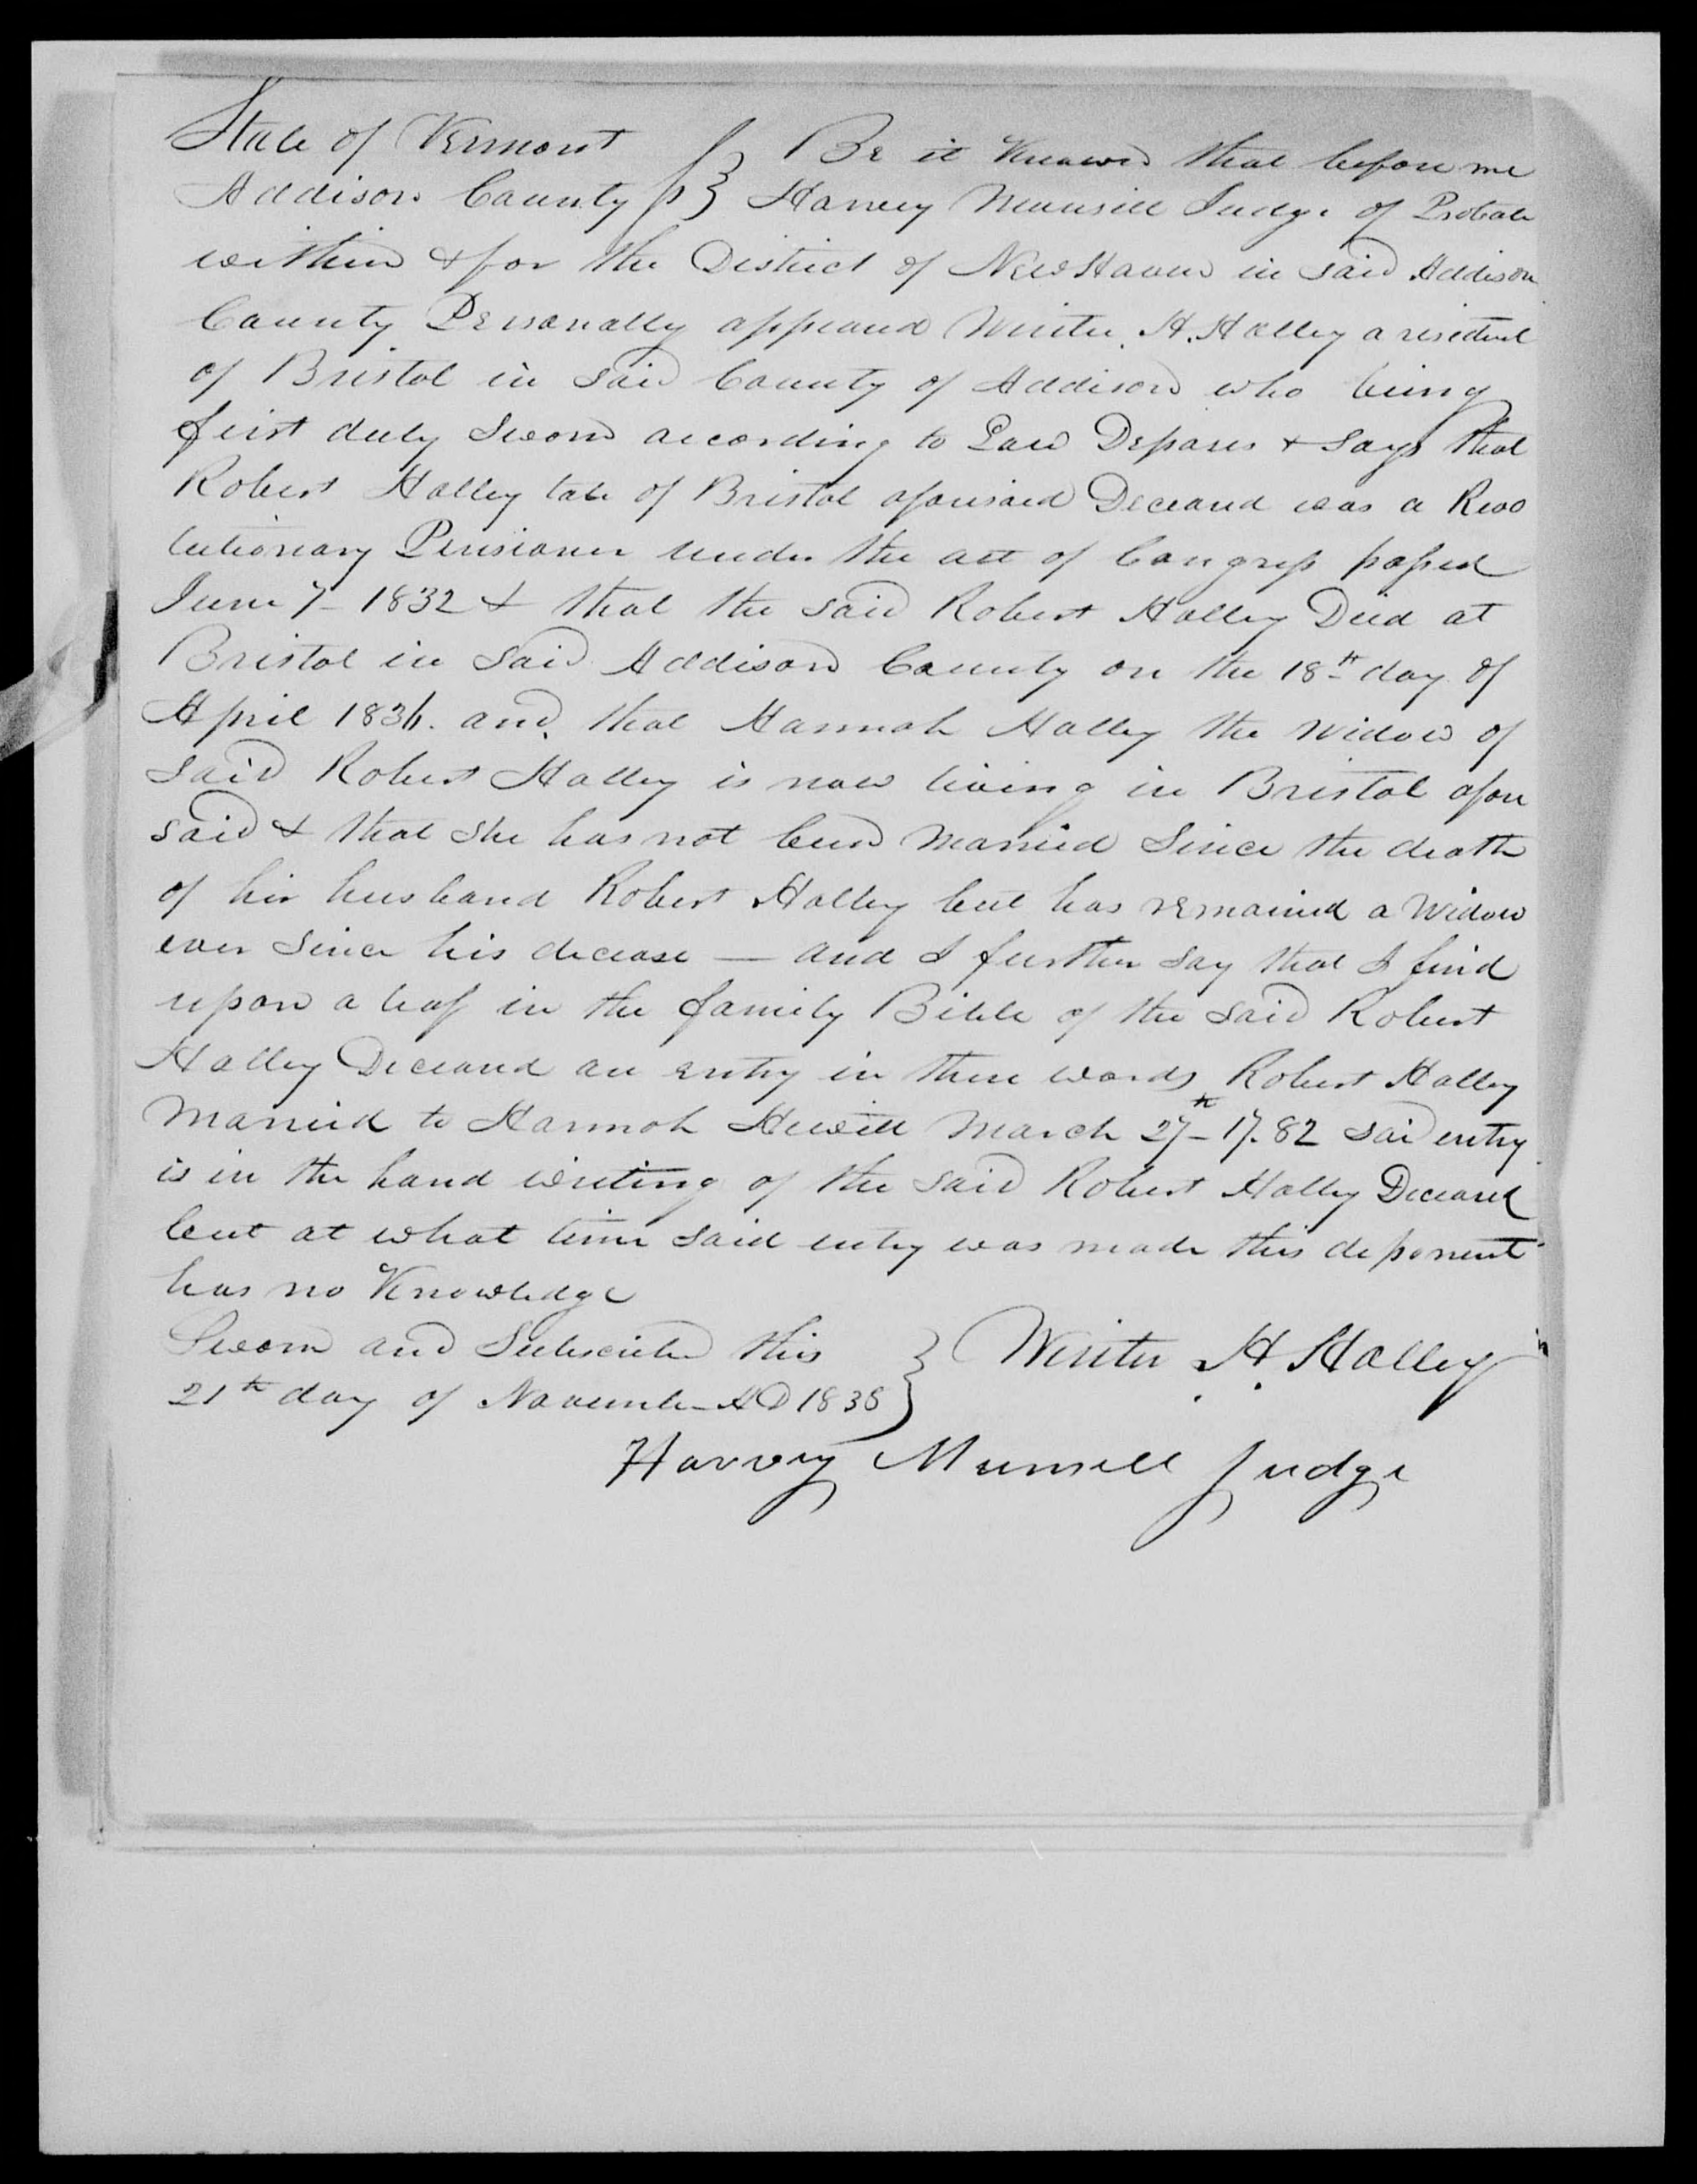State of Vermont
Addison County ss  Be it known that before me
Harvey Munsill Judge of Probate
within & for the District of New Haven in said Addison
County Personally appeared Winter H. Holley a resident
of Bristol in said County of Addison who being
first duly sworn according to Law Deposes & says that
Robert Holley late of Bristol aforesaid Deceased was a 
Revolutionary Pensioner under the act of Congress passed
June 7 1832 & that the said Robert Holley Died at
Bristol in said Addison County on the 18th day of
April 1836 and that Hannah Holley the widow of
said Robert Holley is now living in Bristol aforesaid 
& that she has not been married since the death
of her husband Robert Holley but has remained a widow
ever since his decease - And I further say that I find
upon a leaf in the family Bible of the said Robert
Holley Deceased an entry in these words Robert Holley
Married to Hannah Howell March 27th 1782 said entry
is in the hand writing of the said Robert Holley Deceased
but at what time said entry was made this deponent
has no knowledge
Winter H. Halley
Sworn and Subscribed this
21th day of November AD 1838
Harvey Munsill Judge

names: Robert Halley, Harvey Munsill, Robert Halley, Robert Halley, H Halley, Robert Halley, Robert Halley, Hannah Halley, Winter H Halley, Harvey Munsill, Robert Halley, Robert Halley, Hannah Hewitt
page: 11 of 62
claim: widow's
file: W. 21391, Robert Holley, Conn.